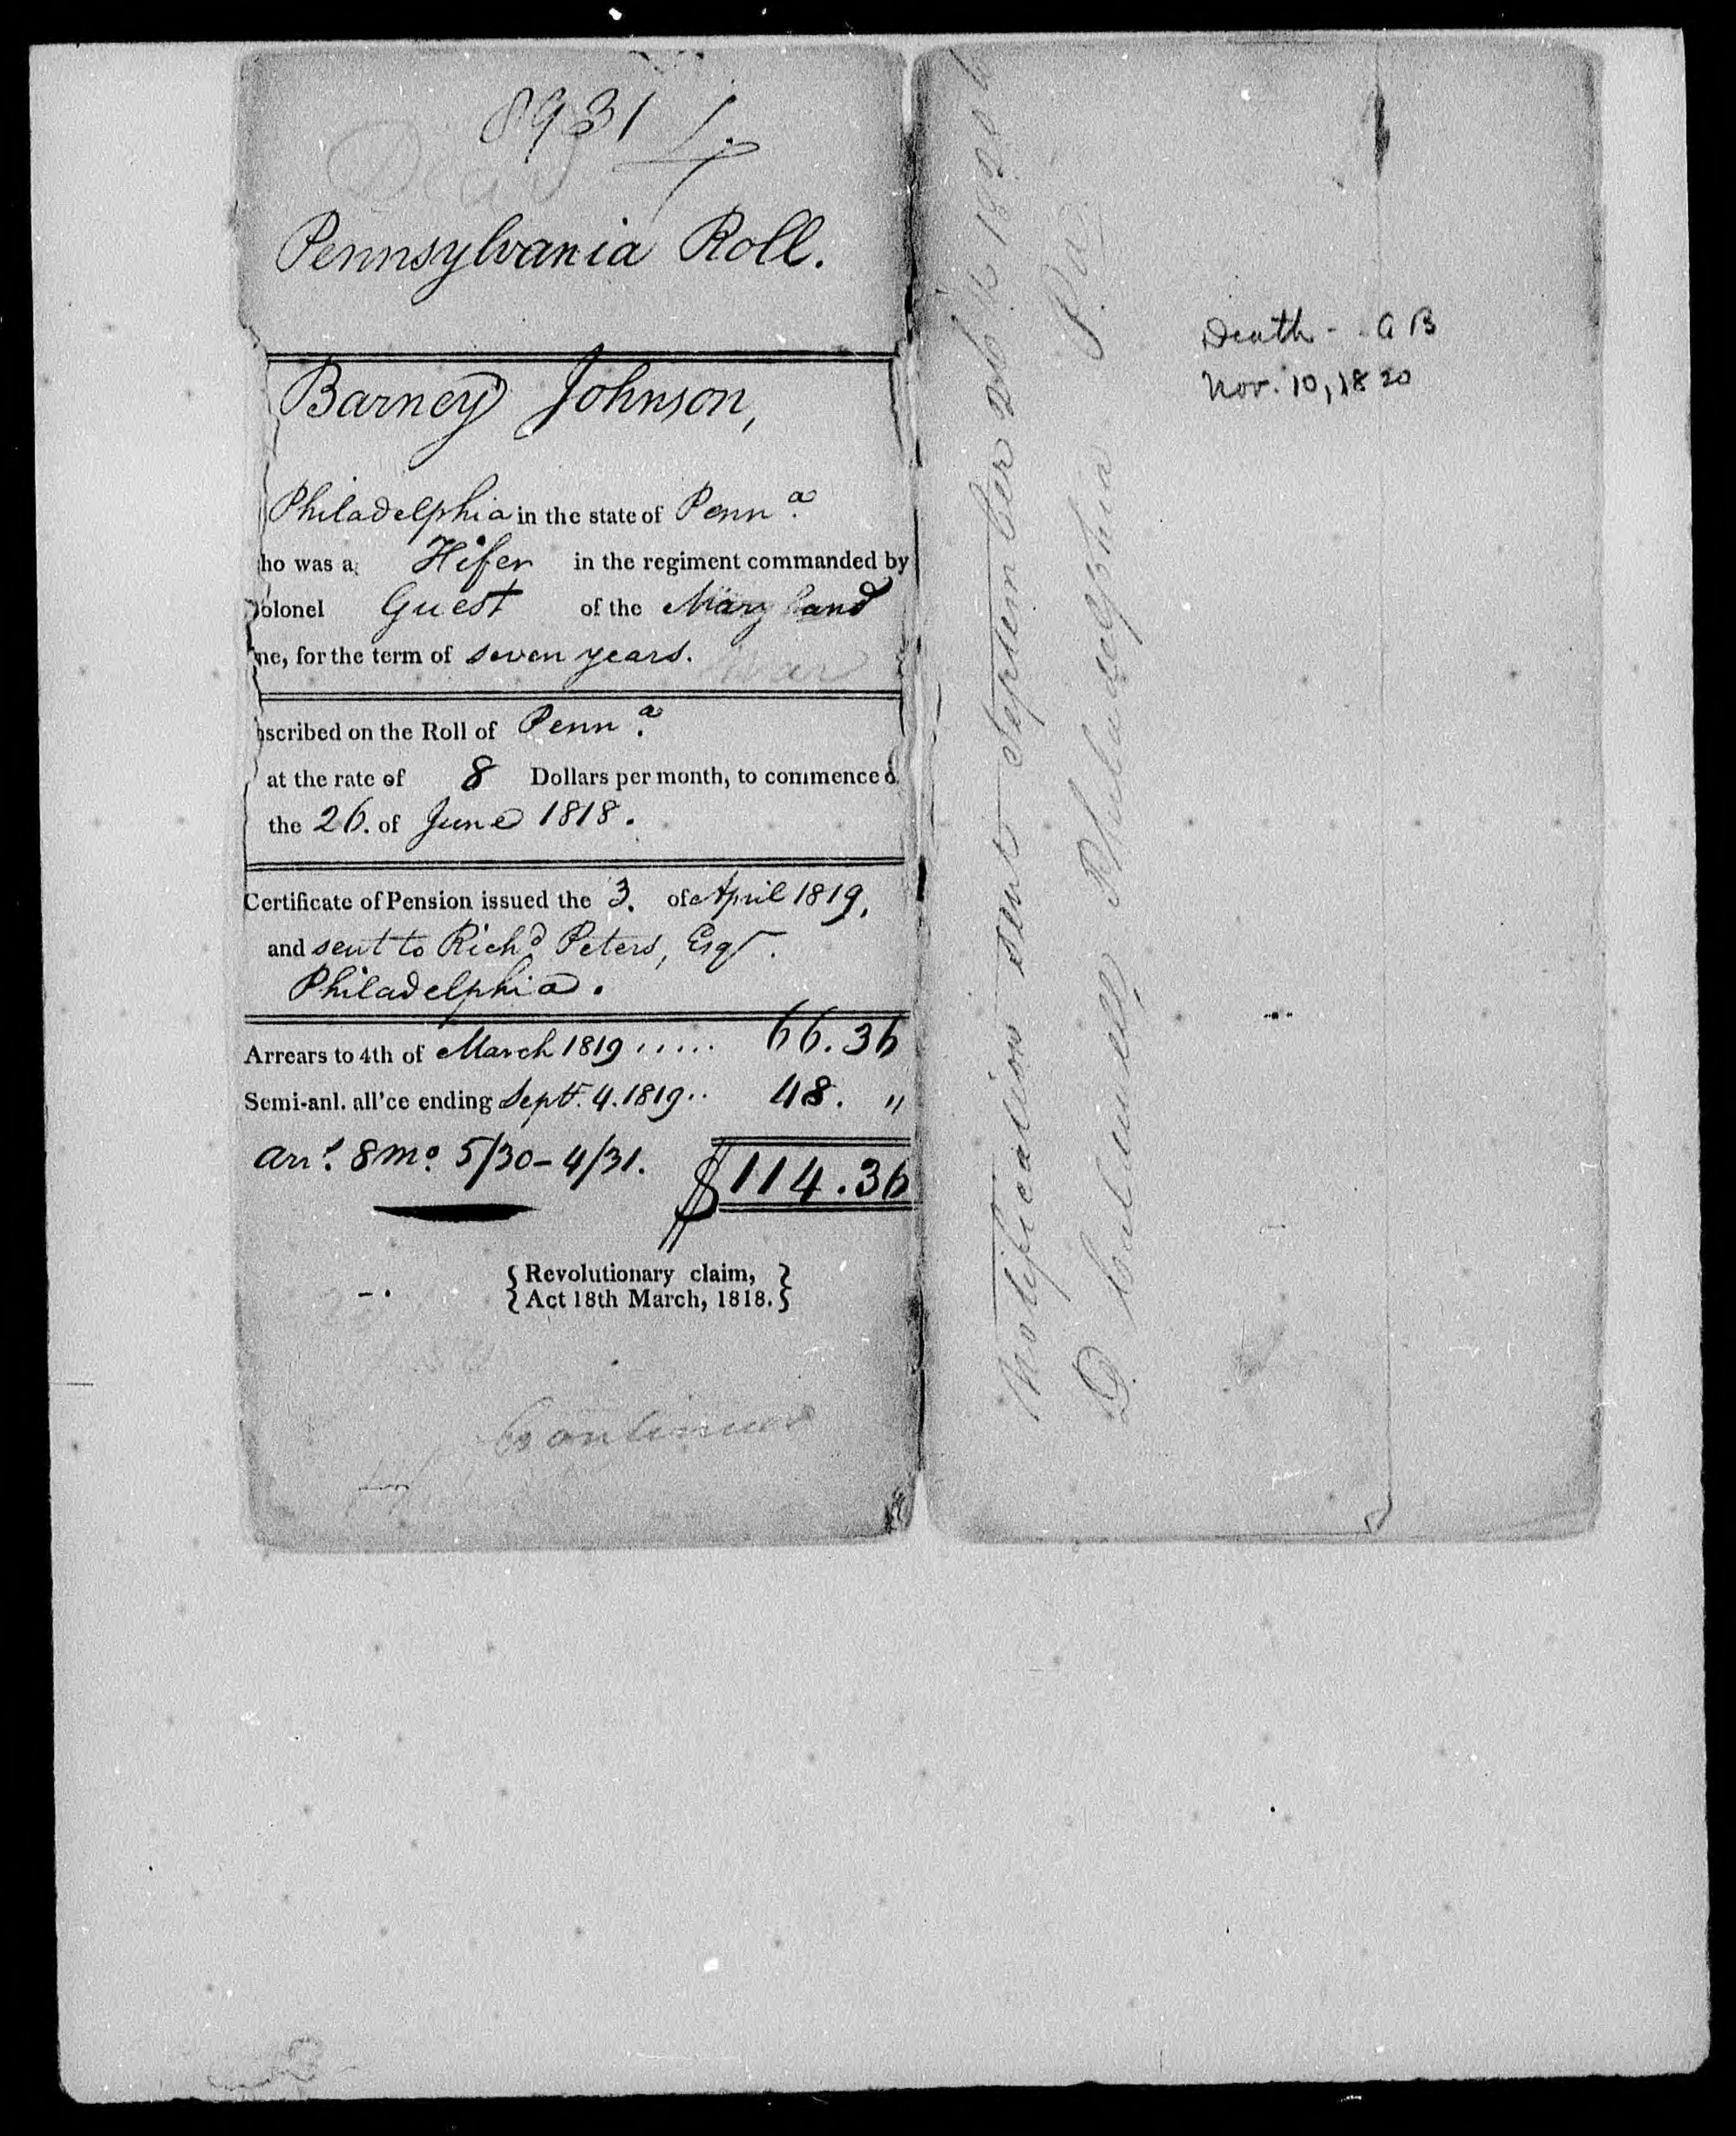Left Side Page
8931
Dead 4
Pennsylvania Roll

Barney Johnson
of Philadelphia in the state of Penna
who was a Fifer in the regiment commanded by Colonel Guest of the Maryland 
Line for the term of seven years.

Inscribed on the roll of Penna
at the rate of 8 Dollars per month, to commence
on the 26 June 1818

Certificate of Pension issued the 3 of April 1819 and sent to Rich'd Peters, Esq Philadelphia

Arrears to 4th of March 1819 $66.36
Semi-anl. all'ce ending Sept 4, 1819 $48.00
Arr & 8 Mo 5/30 - 4/31 $114.36

{Revolutionary Claim Act 18th March 1818}

Continued

Right Side Page

Notification sent September 26, 1820 to D. Caldwell, Philadelphia, PA

Death - AB
Nov 10, 1820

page: 2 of 11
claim: survivor's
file: S. 39,783, for Barny Johnson, Maryland